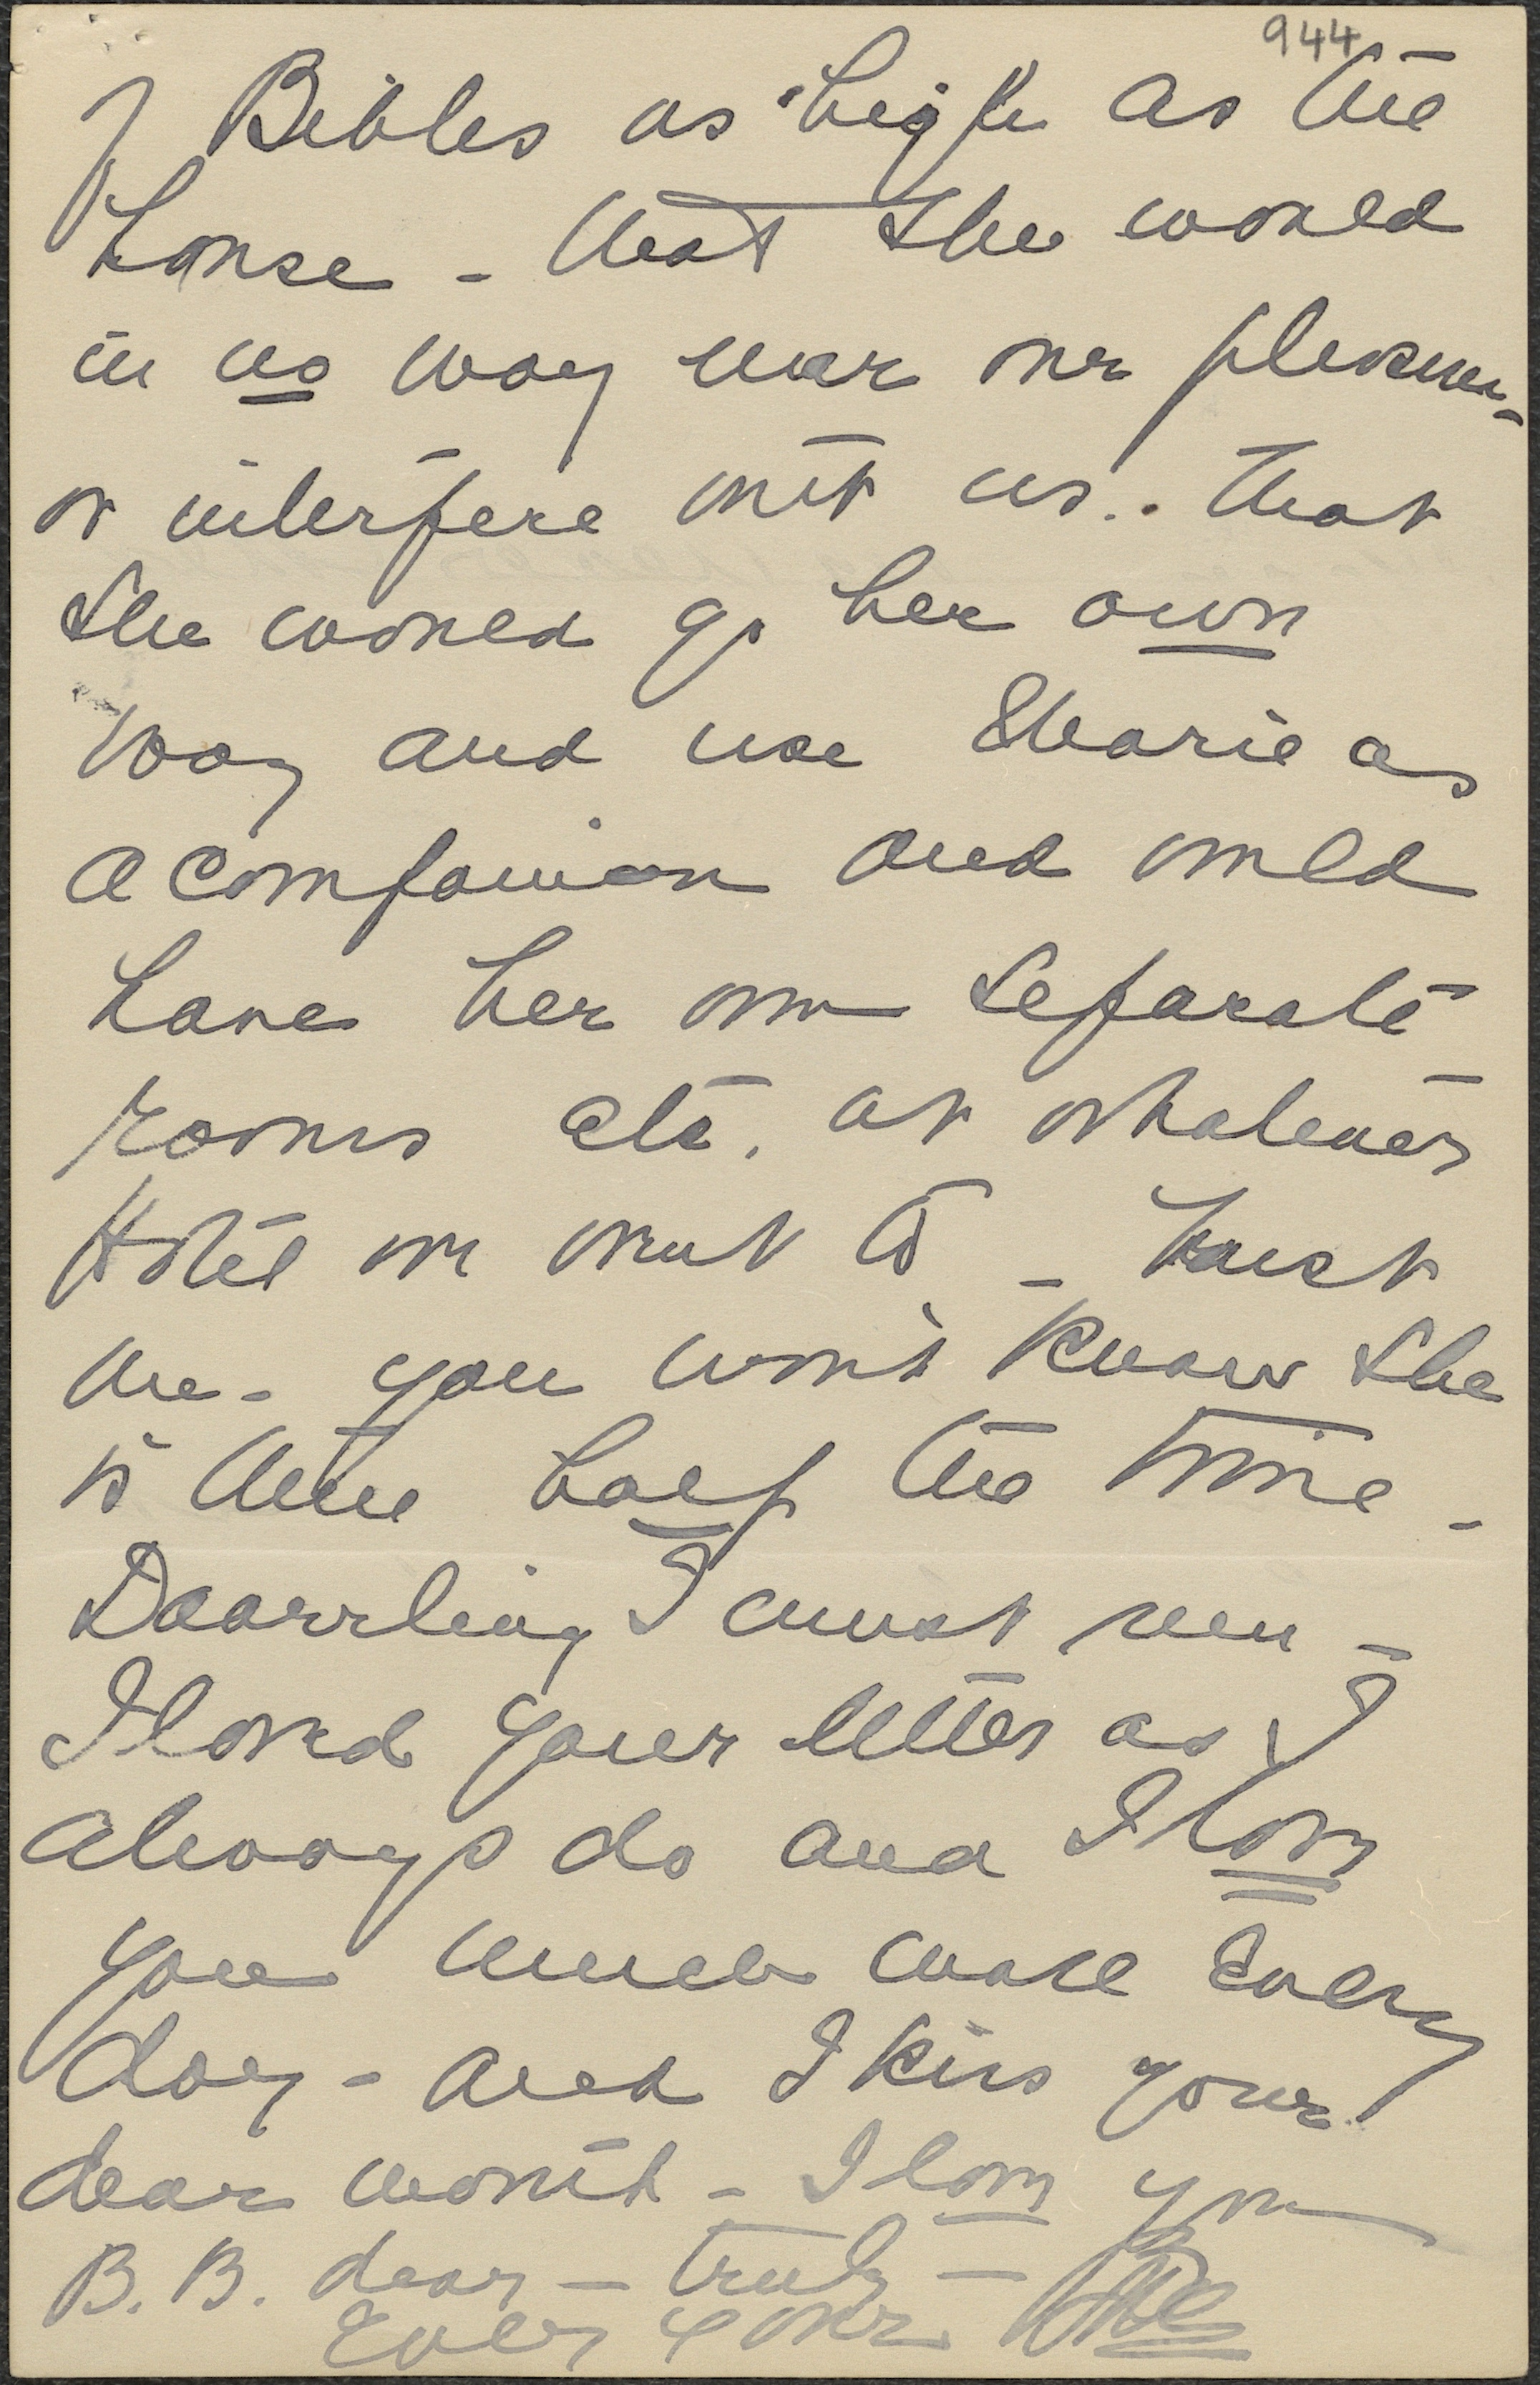of Bibles as high as the house – that she would in no way mar our pleasure – or interfere with us. That she would go her own way and use Marie as a companion and would have her own separate rooms etc. at whatever Hotel we went to – Trust me – you won’t know she is there half the time –
Daarrling I must run – I loved your letter as I always do and I [double underlined: love] you much more every day – and I kiss your dear mouth – I love you B. B. dear – truly –
Ever your Belle